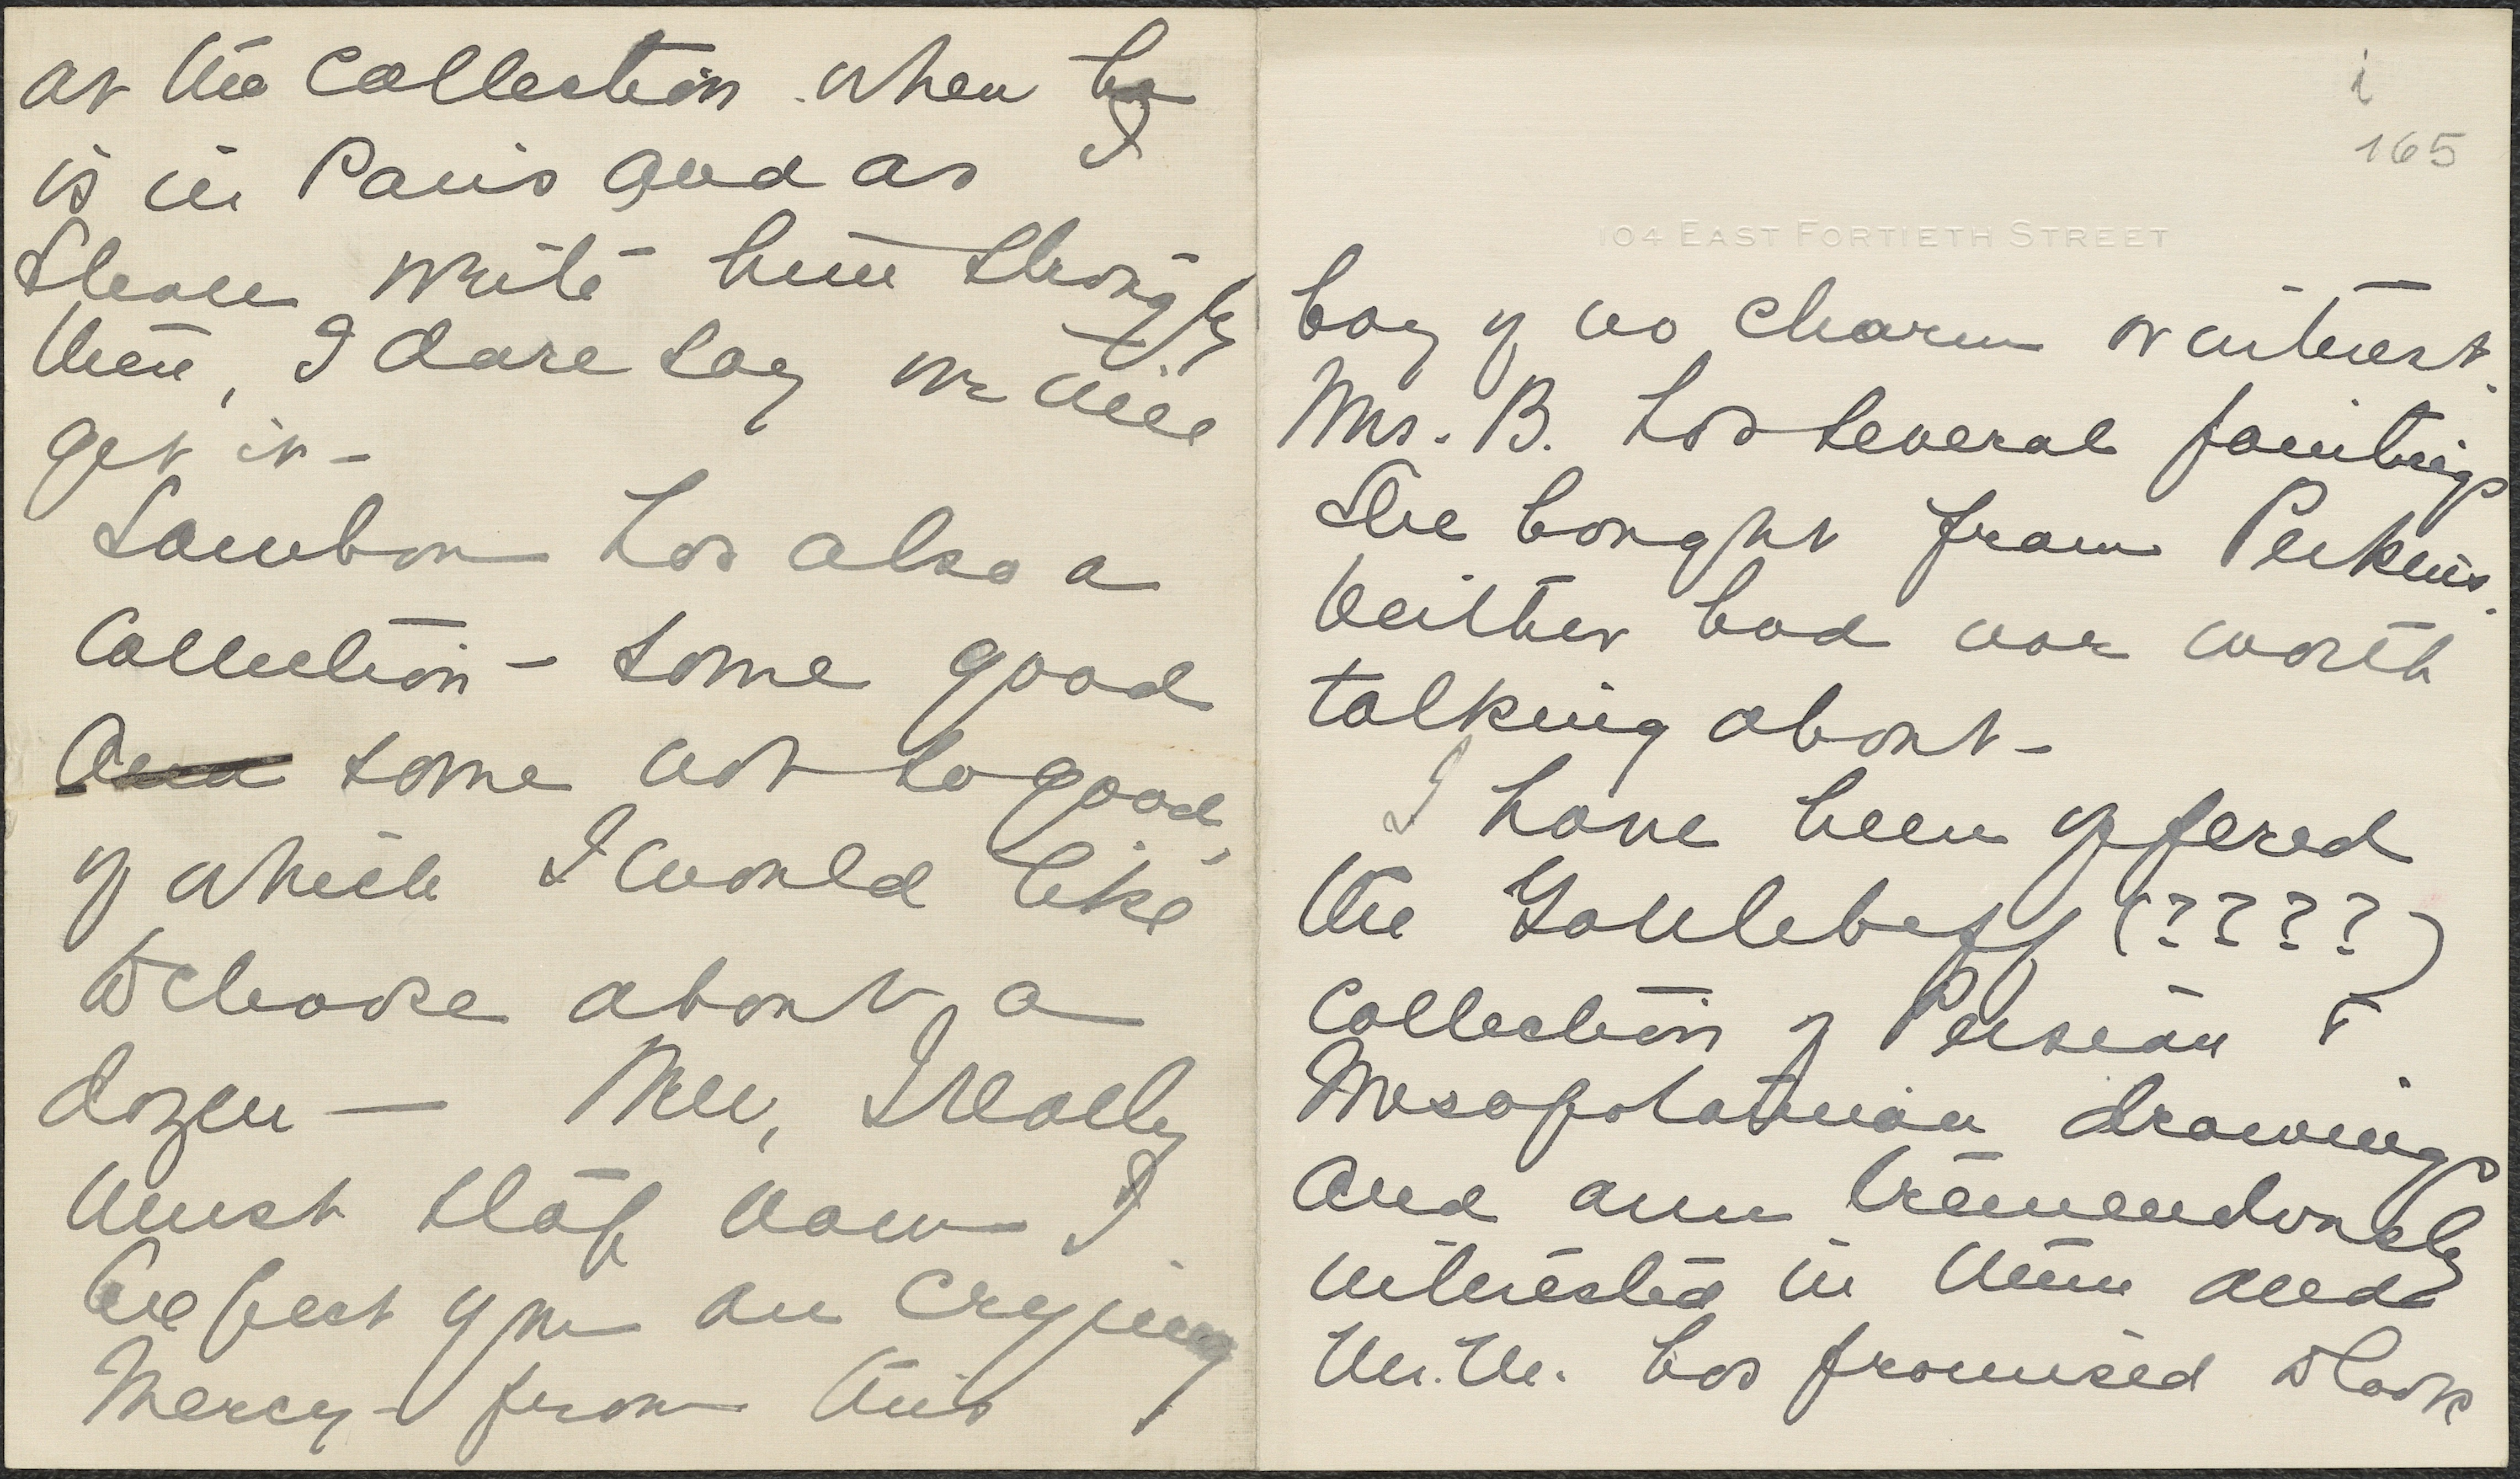boy of no charm or interest. Mrs. B. has several paintings she bought from Perkins. Neither bad nor worth talking about –
I have been offered the Goulebeff (????) collection of Persian & Mesopotamian drawings and am tremendously interested in them and Mr. M. has promised to look
at the collection when he is in Paris and as I shall write him strongly then, I dare say we will get it –
Sambon has also a collection – some good and some not so good, of which I would like to choose about a dozen – well, I really must stop now I expect you are crying mercy from this